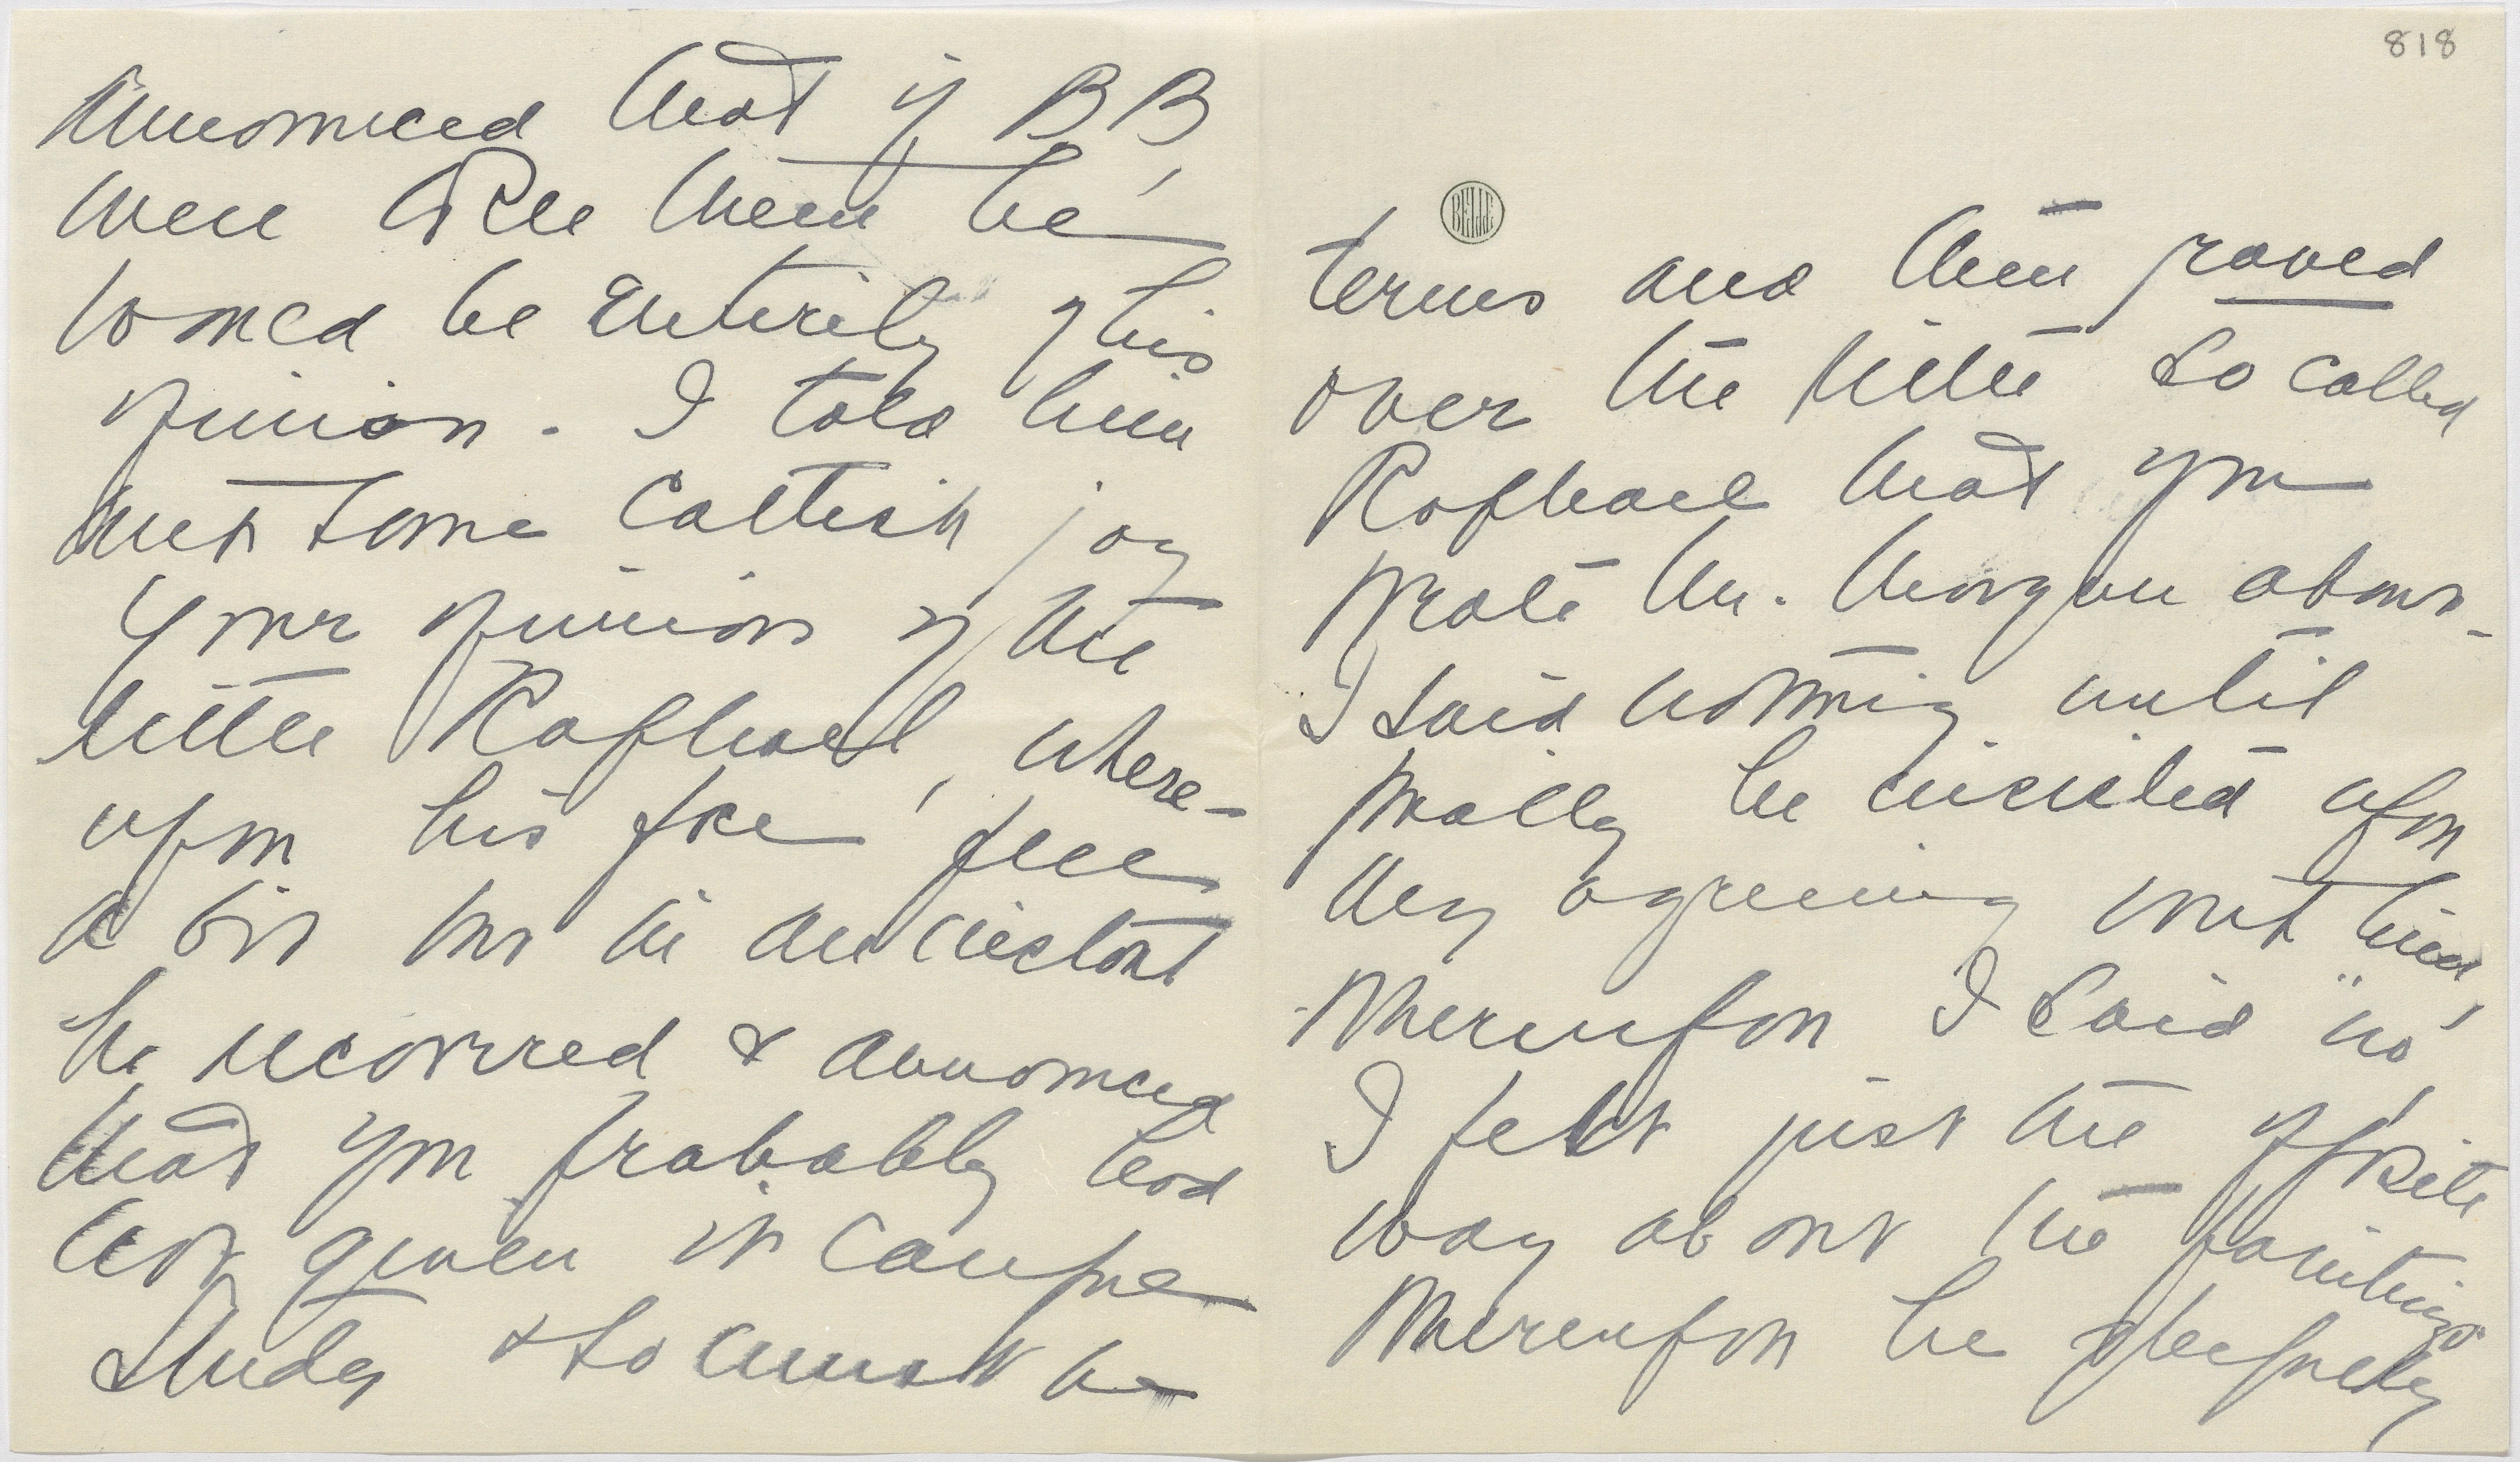terms and then raved over the little so called Raphael that you wrote Mr. Morgan about – I said nothing until finally he insisted upon my agreeing with him, whereupon I said “no,” I felt just the opposite way about the paintings, whereupon he gleefully
announced that if B. B. were to see them he would be entirely of his opinion – I told him with some cattish joy your opinion of the little Raphael, whereupon his face fell a bit but in an instant he recovered & announced that you probably had not given it careful Study & so must be